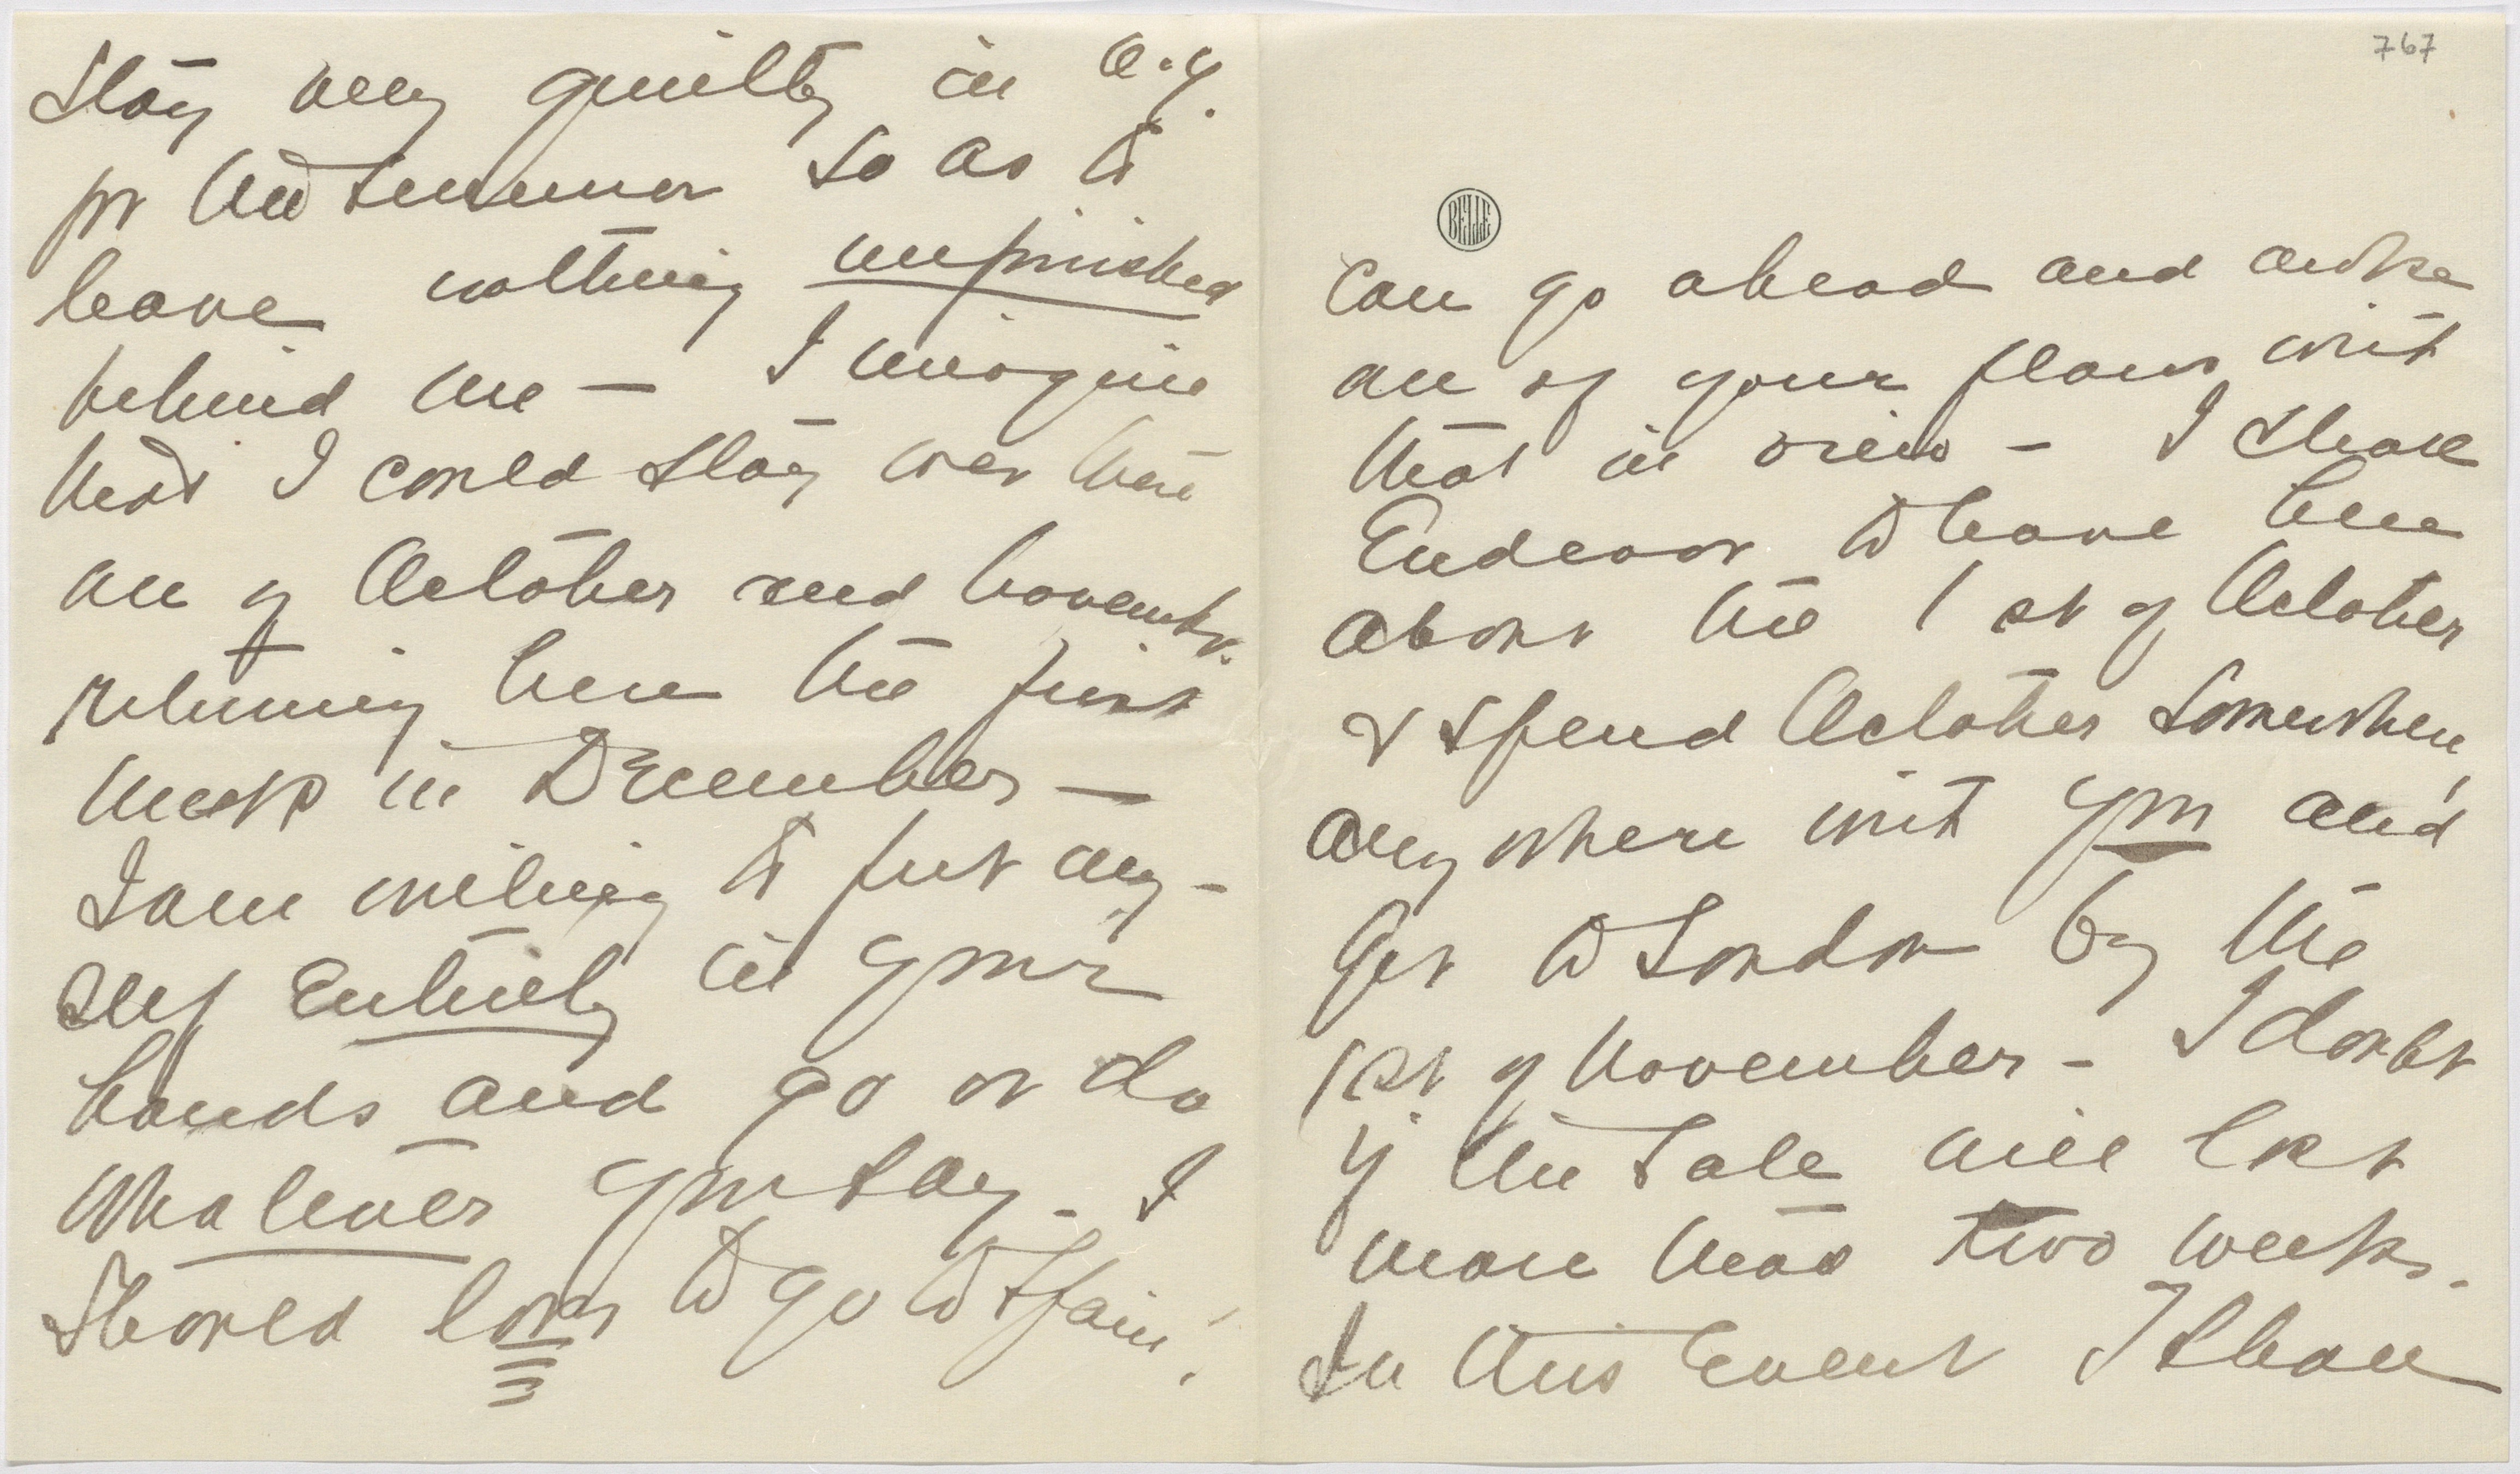can go ahead and make all of your plans with that in view – I shall endevor [sic] to leave here about the 1st of October & spend October somewhere any where with you and get to London by the 1st of November – I doubt if the sale will last more than two weeks. In this event I shall
stay very quietly in N.Y. for the summer so as to leave nothing unfinished behind me – I imagine that I could stay over there all of October and November returning here the first week in December – I am willing to put myself entirely in your hands and go or do whatever you say. I should [quadruple underlined: love] to go to Spain!